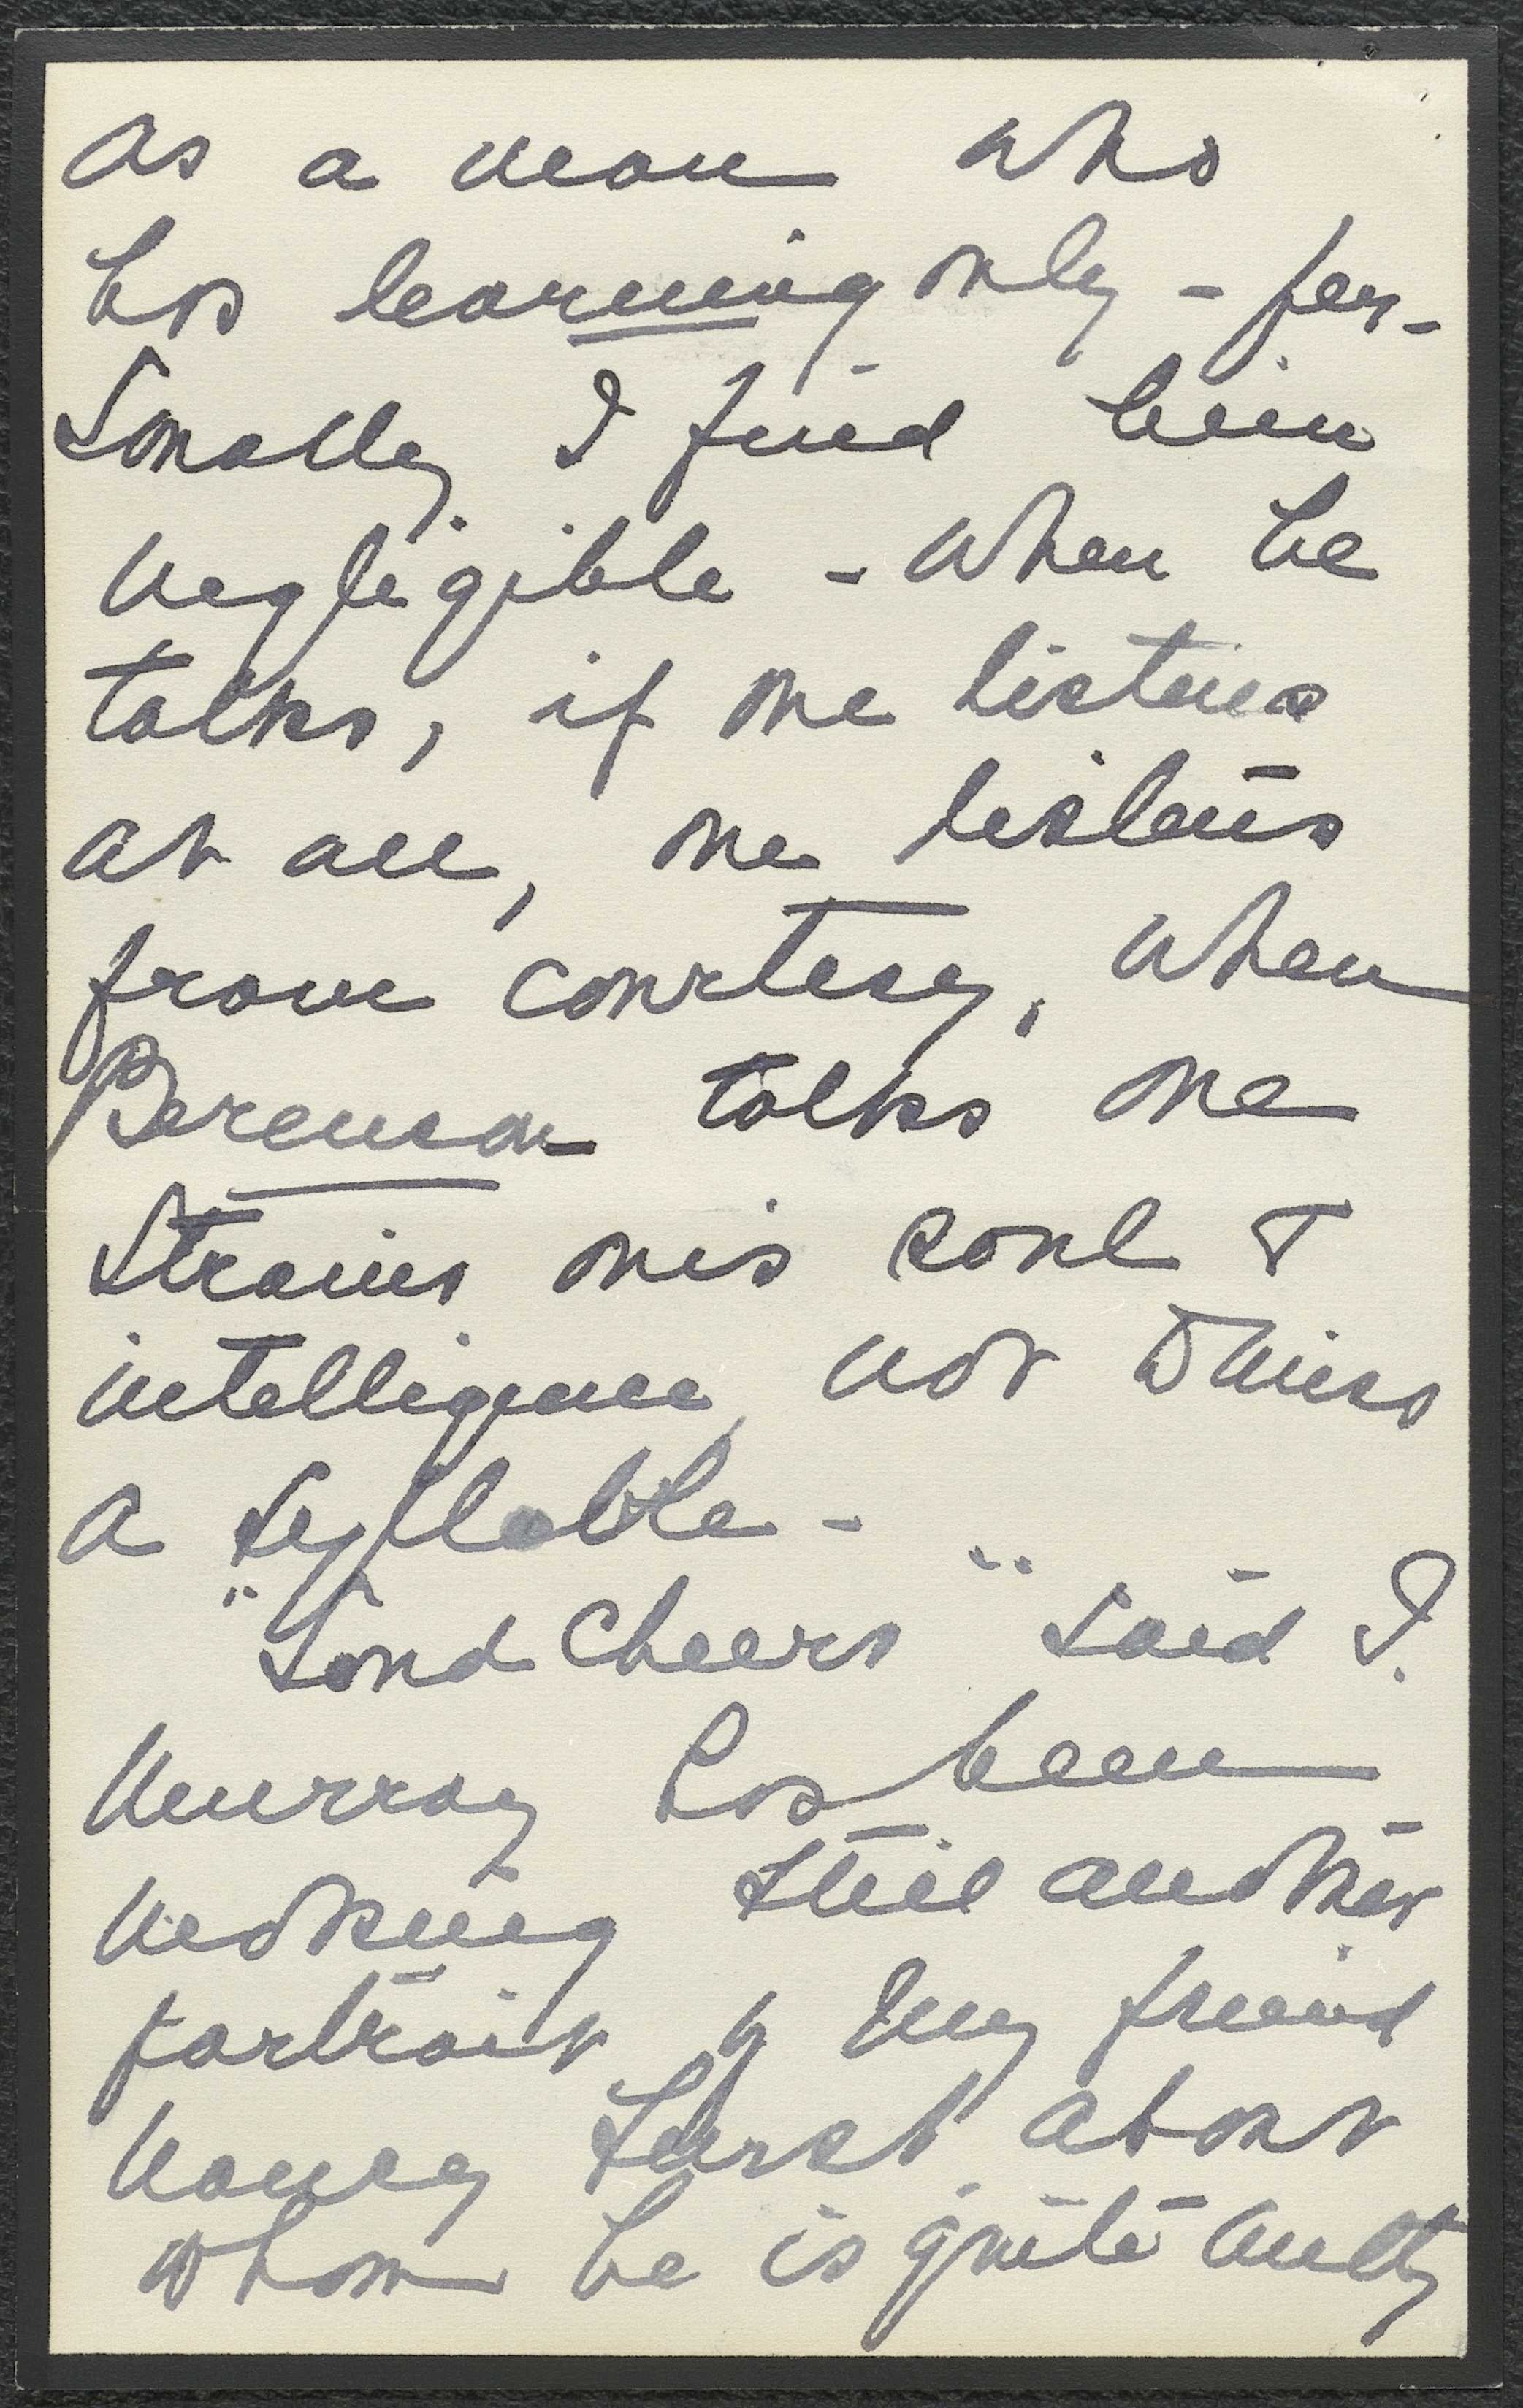as a man who has learning only – personally I find him negligible – when he talks, if one listens at all, one listens from courtesy, when Berenson talks one strains one’s soul & intelligence not to miss a syllable –
“Loud cheers” said I. Murray has been making still another portrait by my friend Nancy Furst about whom he is quite nutty